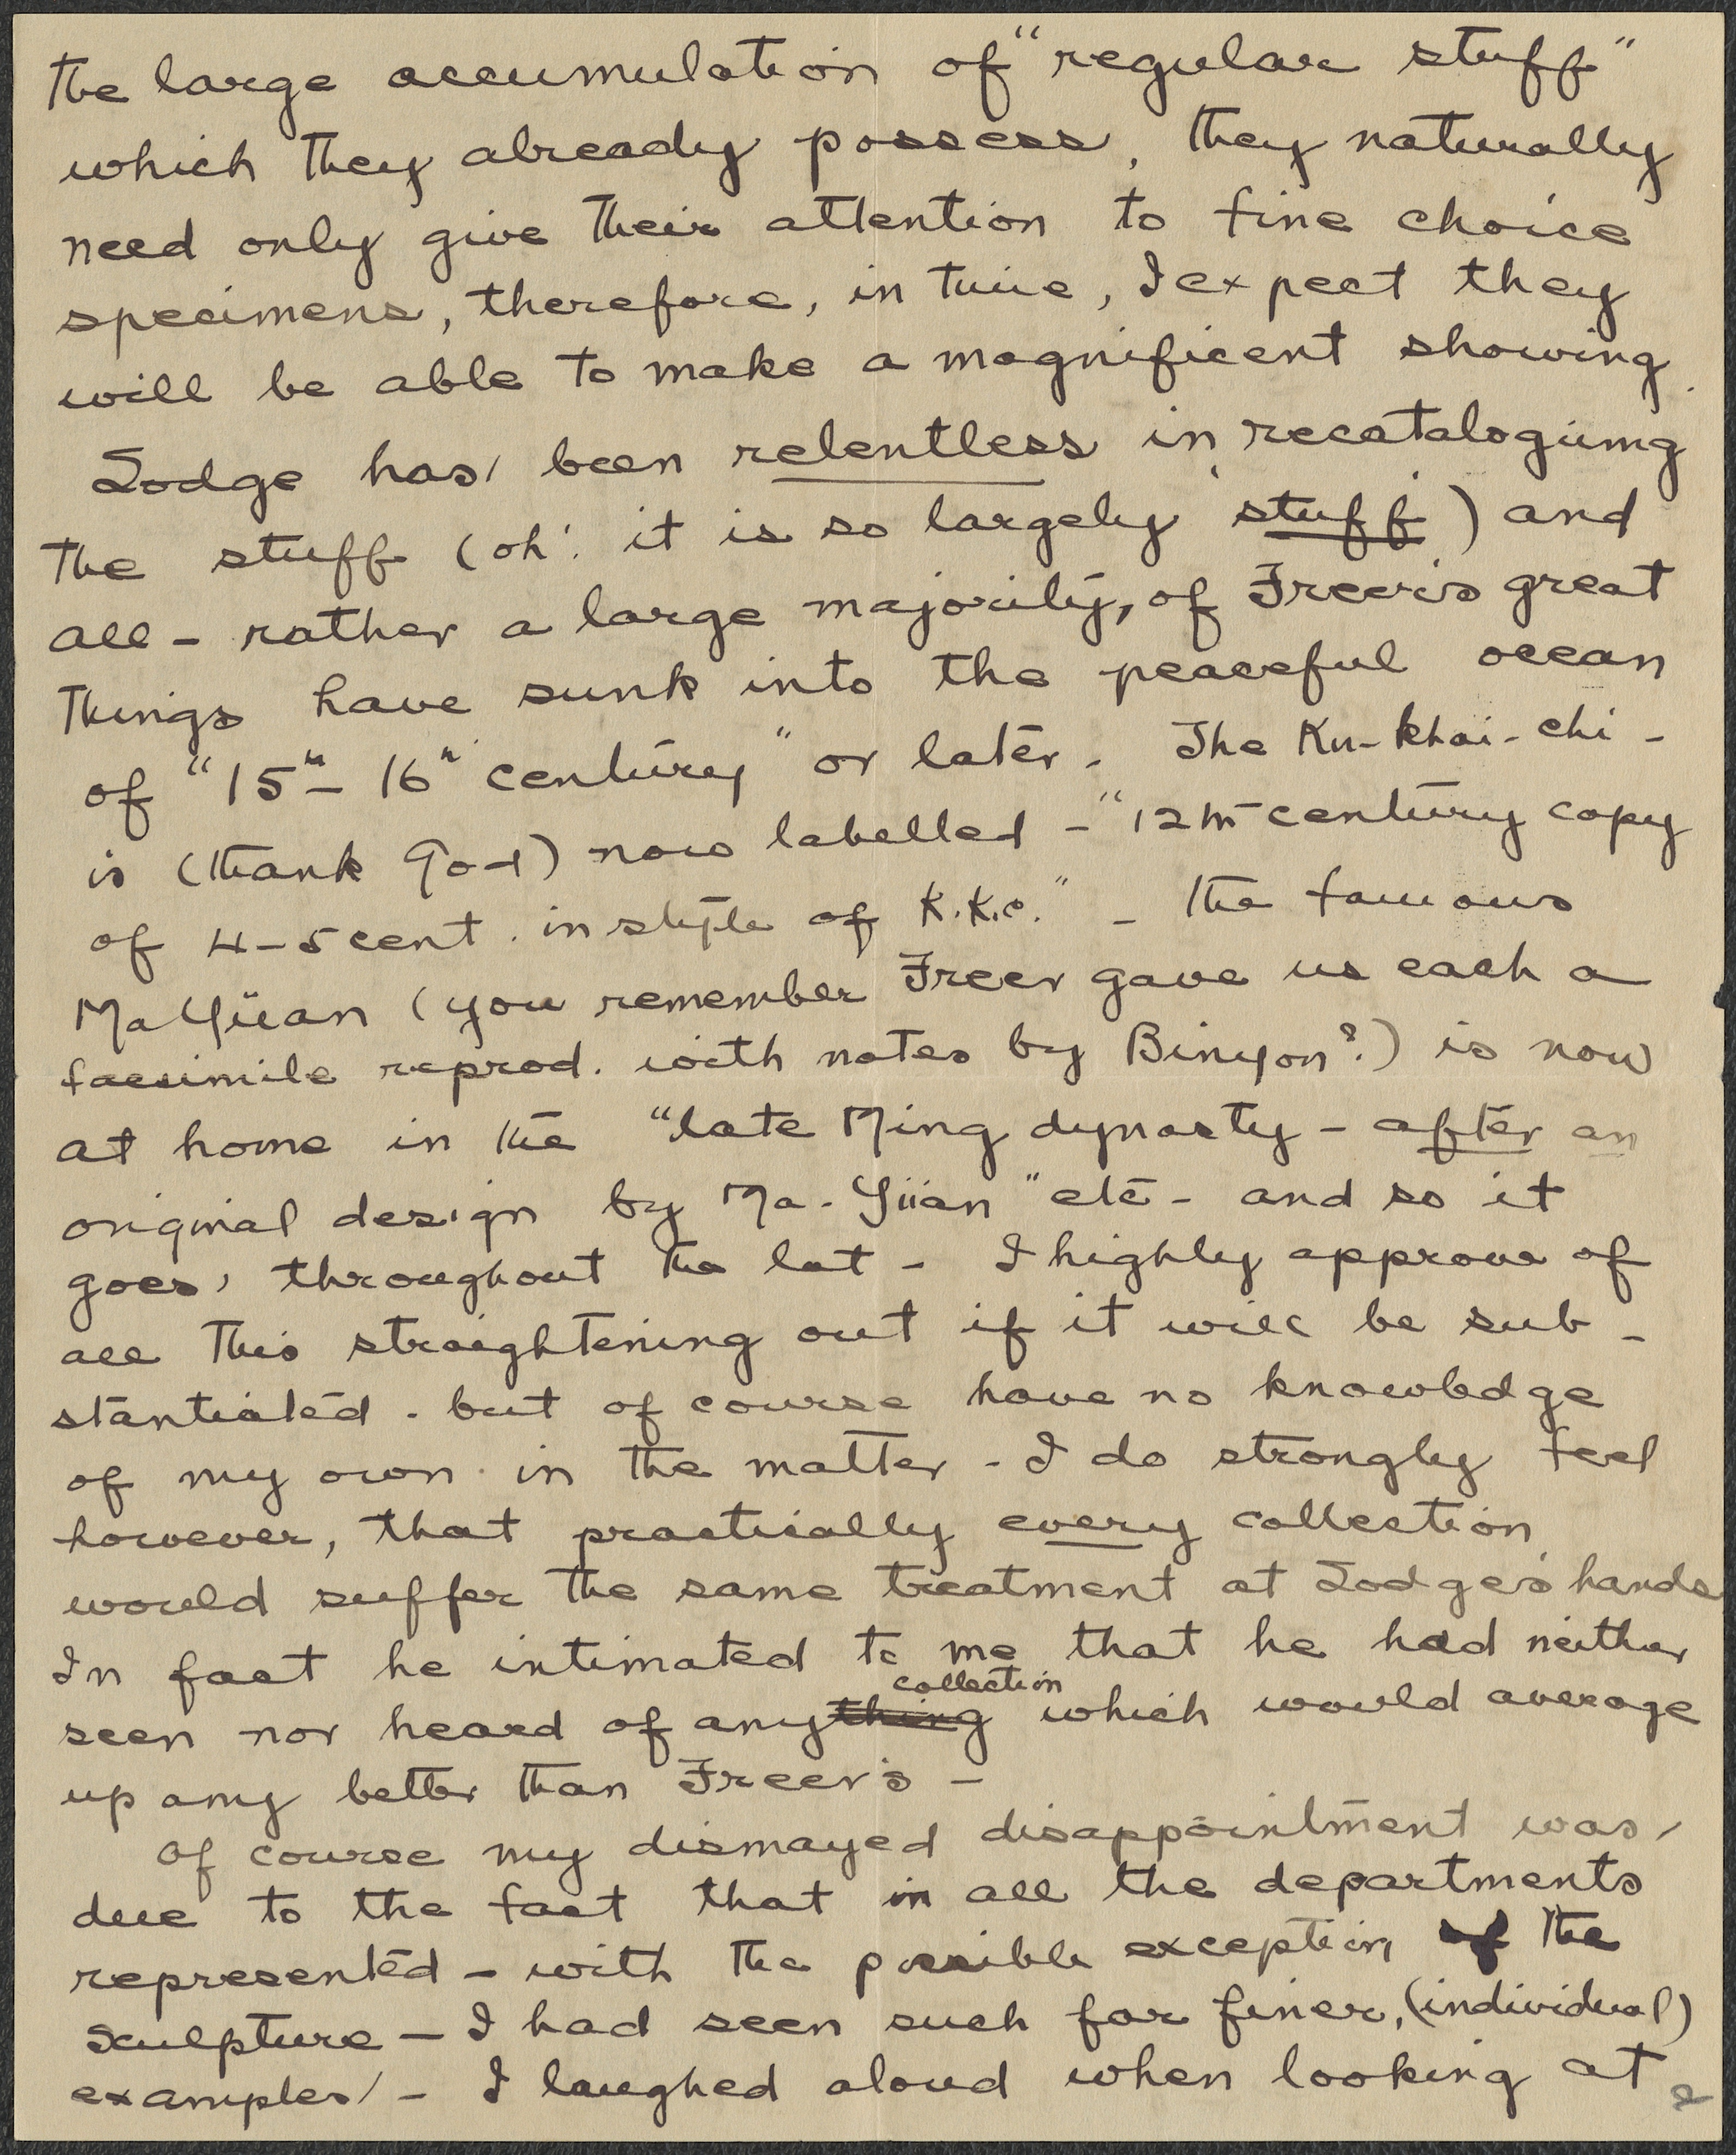the large accumulation of “regular stuff” which they already possess, they naturally need only give their attention to fine choice specimens, therefore, in time, I expect they will be able to make a magnificent showing.
Lodge has been relentless in recataloging [sic] the stuff (oh! it is so largely ‘stuff’) and all – rather a large majority, of Freer’s great things have sunk into the peaceful ocean of “15th-16th century” or later. The Ku-khai-chi – is (thank God) now labelled – “12th century copy of 4-5 cent. in style of K.K.e.” – the famous Ma Yüan (you remember Freer gave us each a facsimile reprod. with notes by Binyon?) is now at home in the “late Ming dynasty – after an original design by Ma. Yüan” etc. and so it goes, throughout the lot – I highly approve of all this straightening out if it will be substantiated – but of course have no knowledge of my own in the matter – I do strongly feel however, that practically every collection would suffer the same treatment at Lodge’s hands In fact he intimated to me that he had neither seen nor heard of anything [^collection^] which would average up any better than Freer’s – Of course my dismayed disappointment was due to the fact that in all the departments represented – with the possible exception of the sculpture – I had seen such far finer, (individual) examples – I laughed aloud when looking at